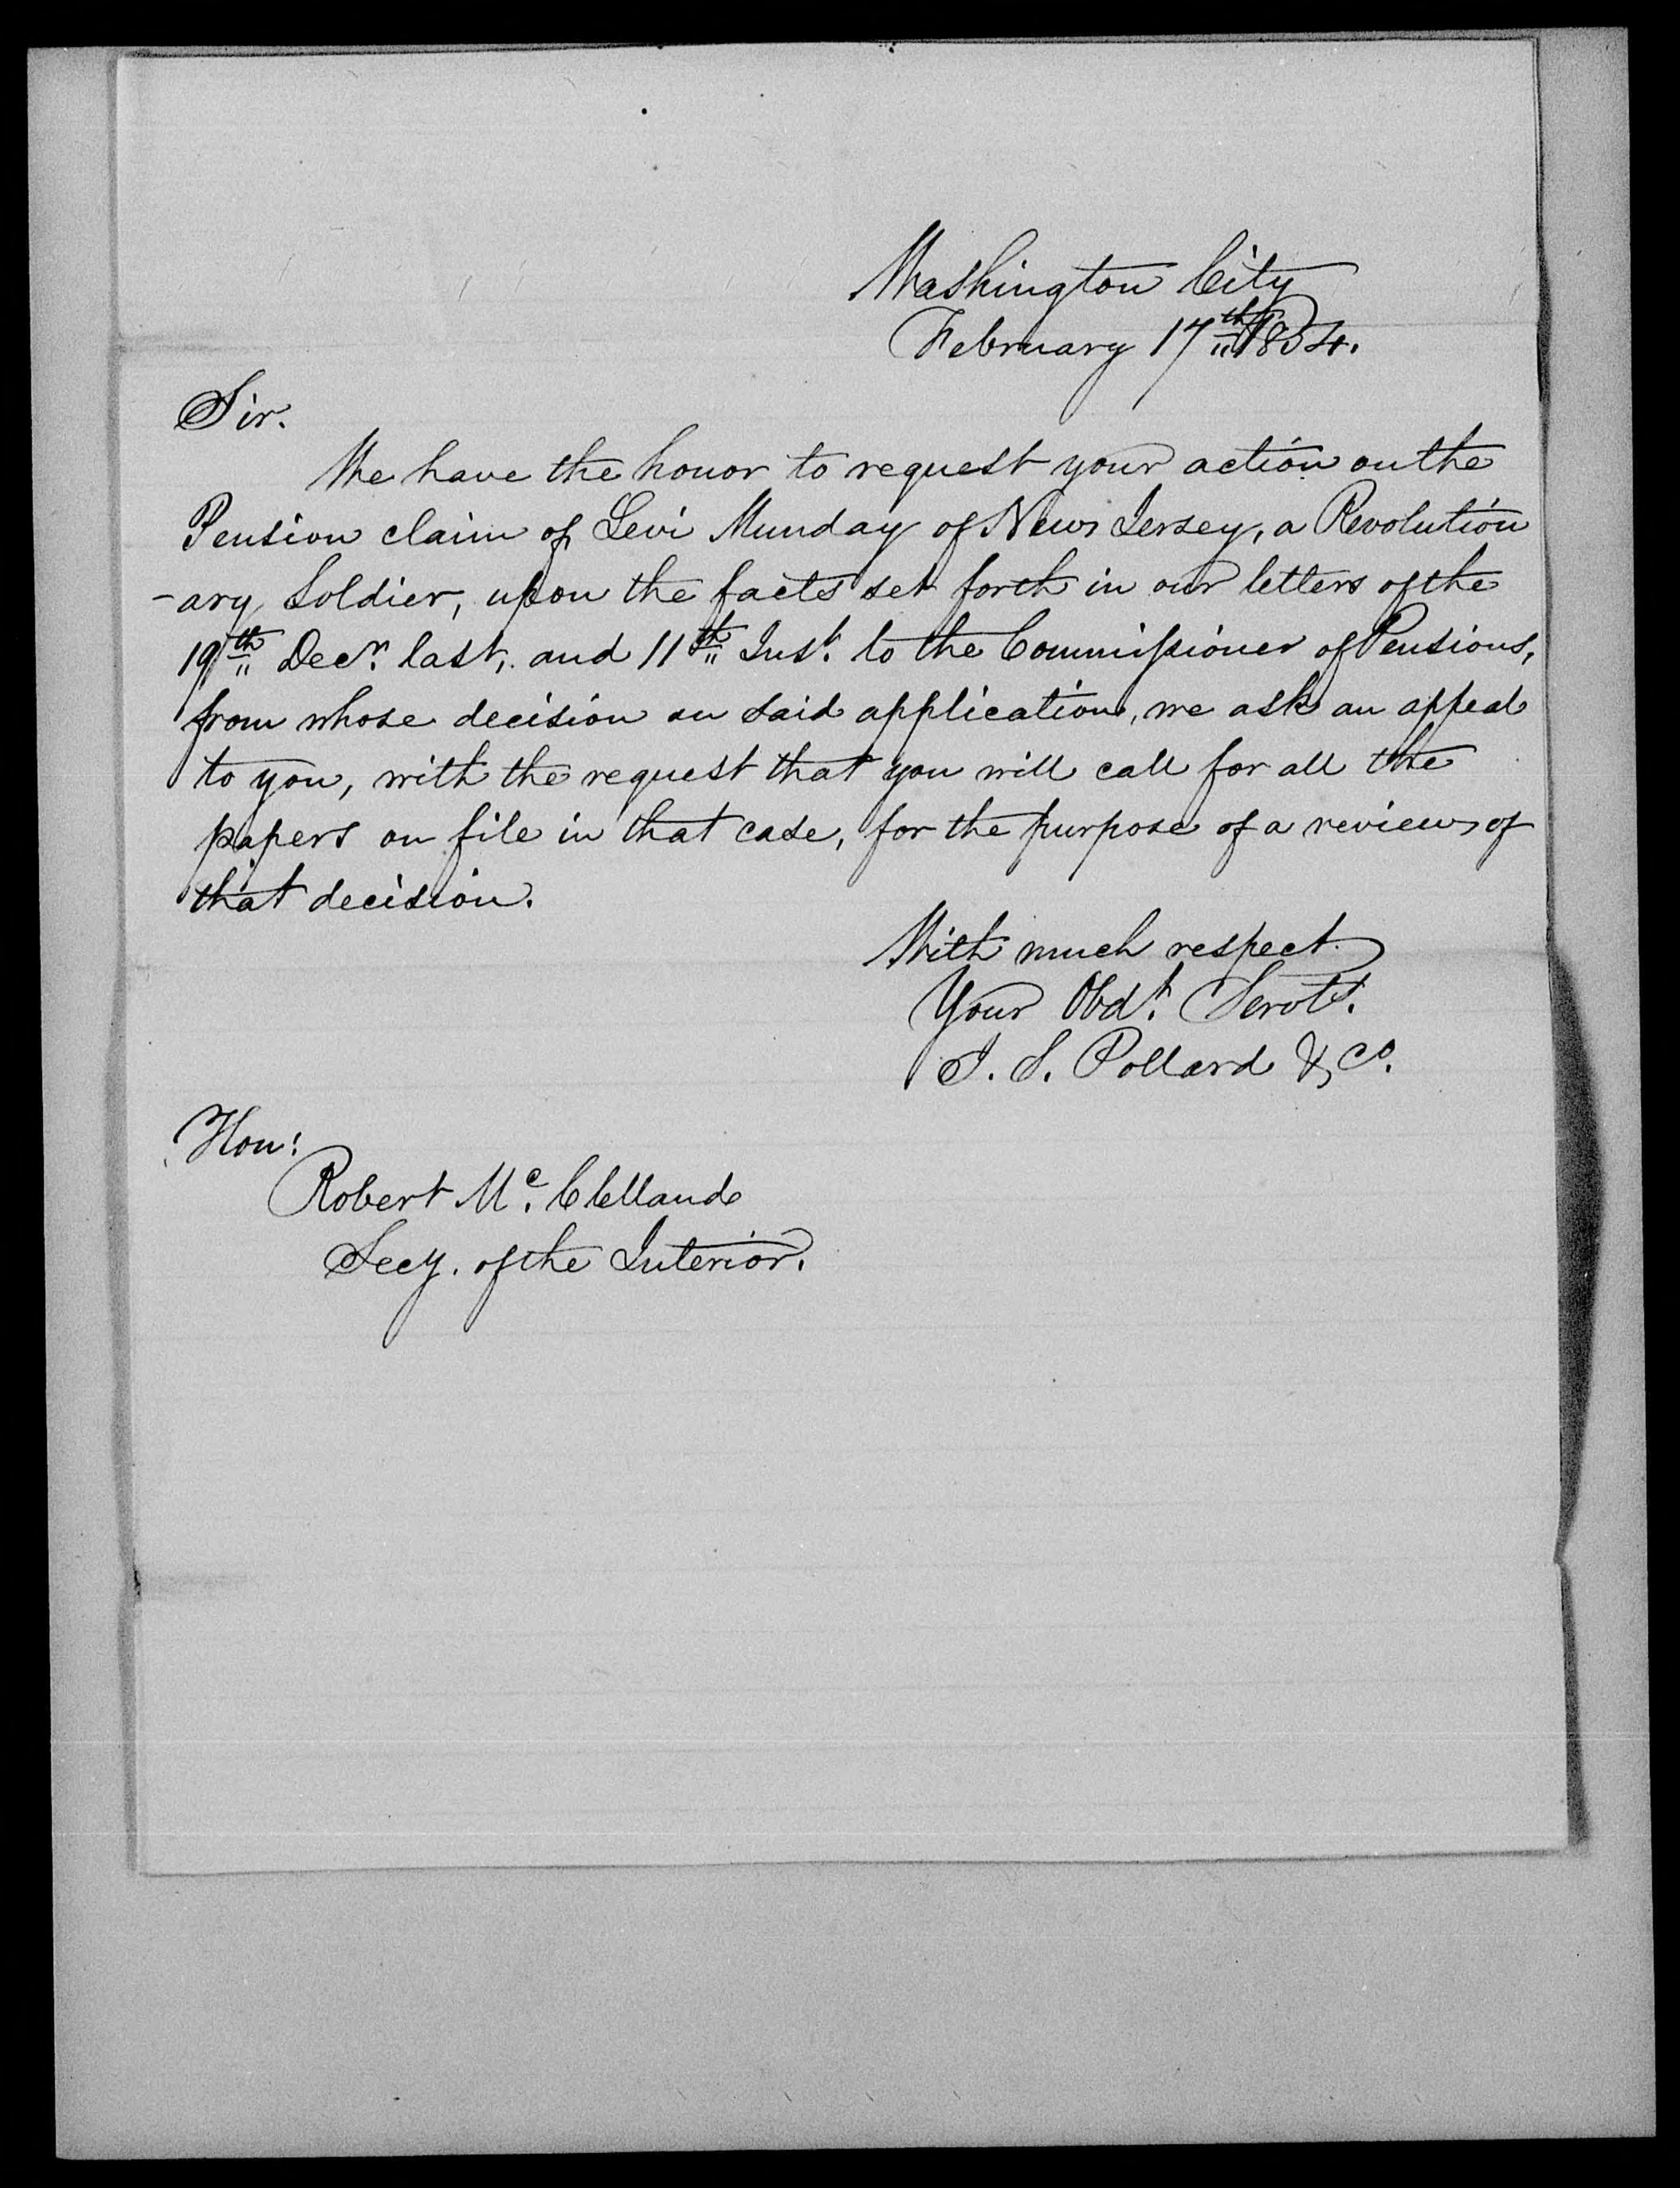Washington City
February 17th 1854

Sir,

We have the honor to request your action on the pension claim of Levi Munday of New Jersey, a Revolutionary Soldier, upon the facts set forth in our letters of the 19th Dec. last, and 11th Jan. to the Commissioner of Pensions, from whose decision in said application we ask an appeal to you with the request that you will call for all the papers on file in that case for the purpose of a review of that decision.

With much respect
Your obe(dient) serv(ant), 
s/ J.S. Pollard & Co.

Hon: Robert McClelland, Sec. of the Interior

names: J S Pollard; Robert Mc Clelland; Levi Munday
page: 25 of 95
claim: survivor's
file: S 2889, for Levi Mundy, New Jersey